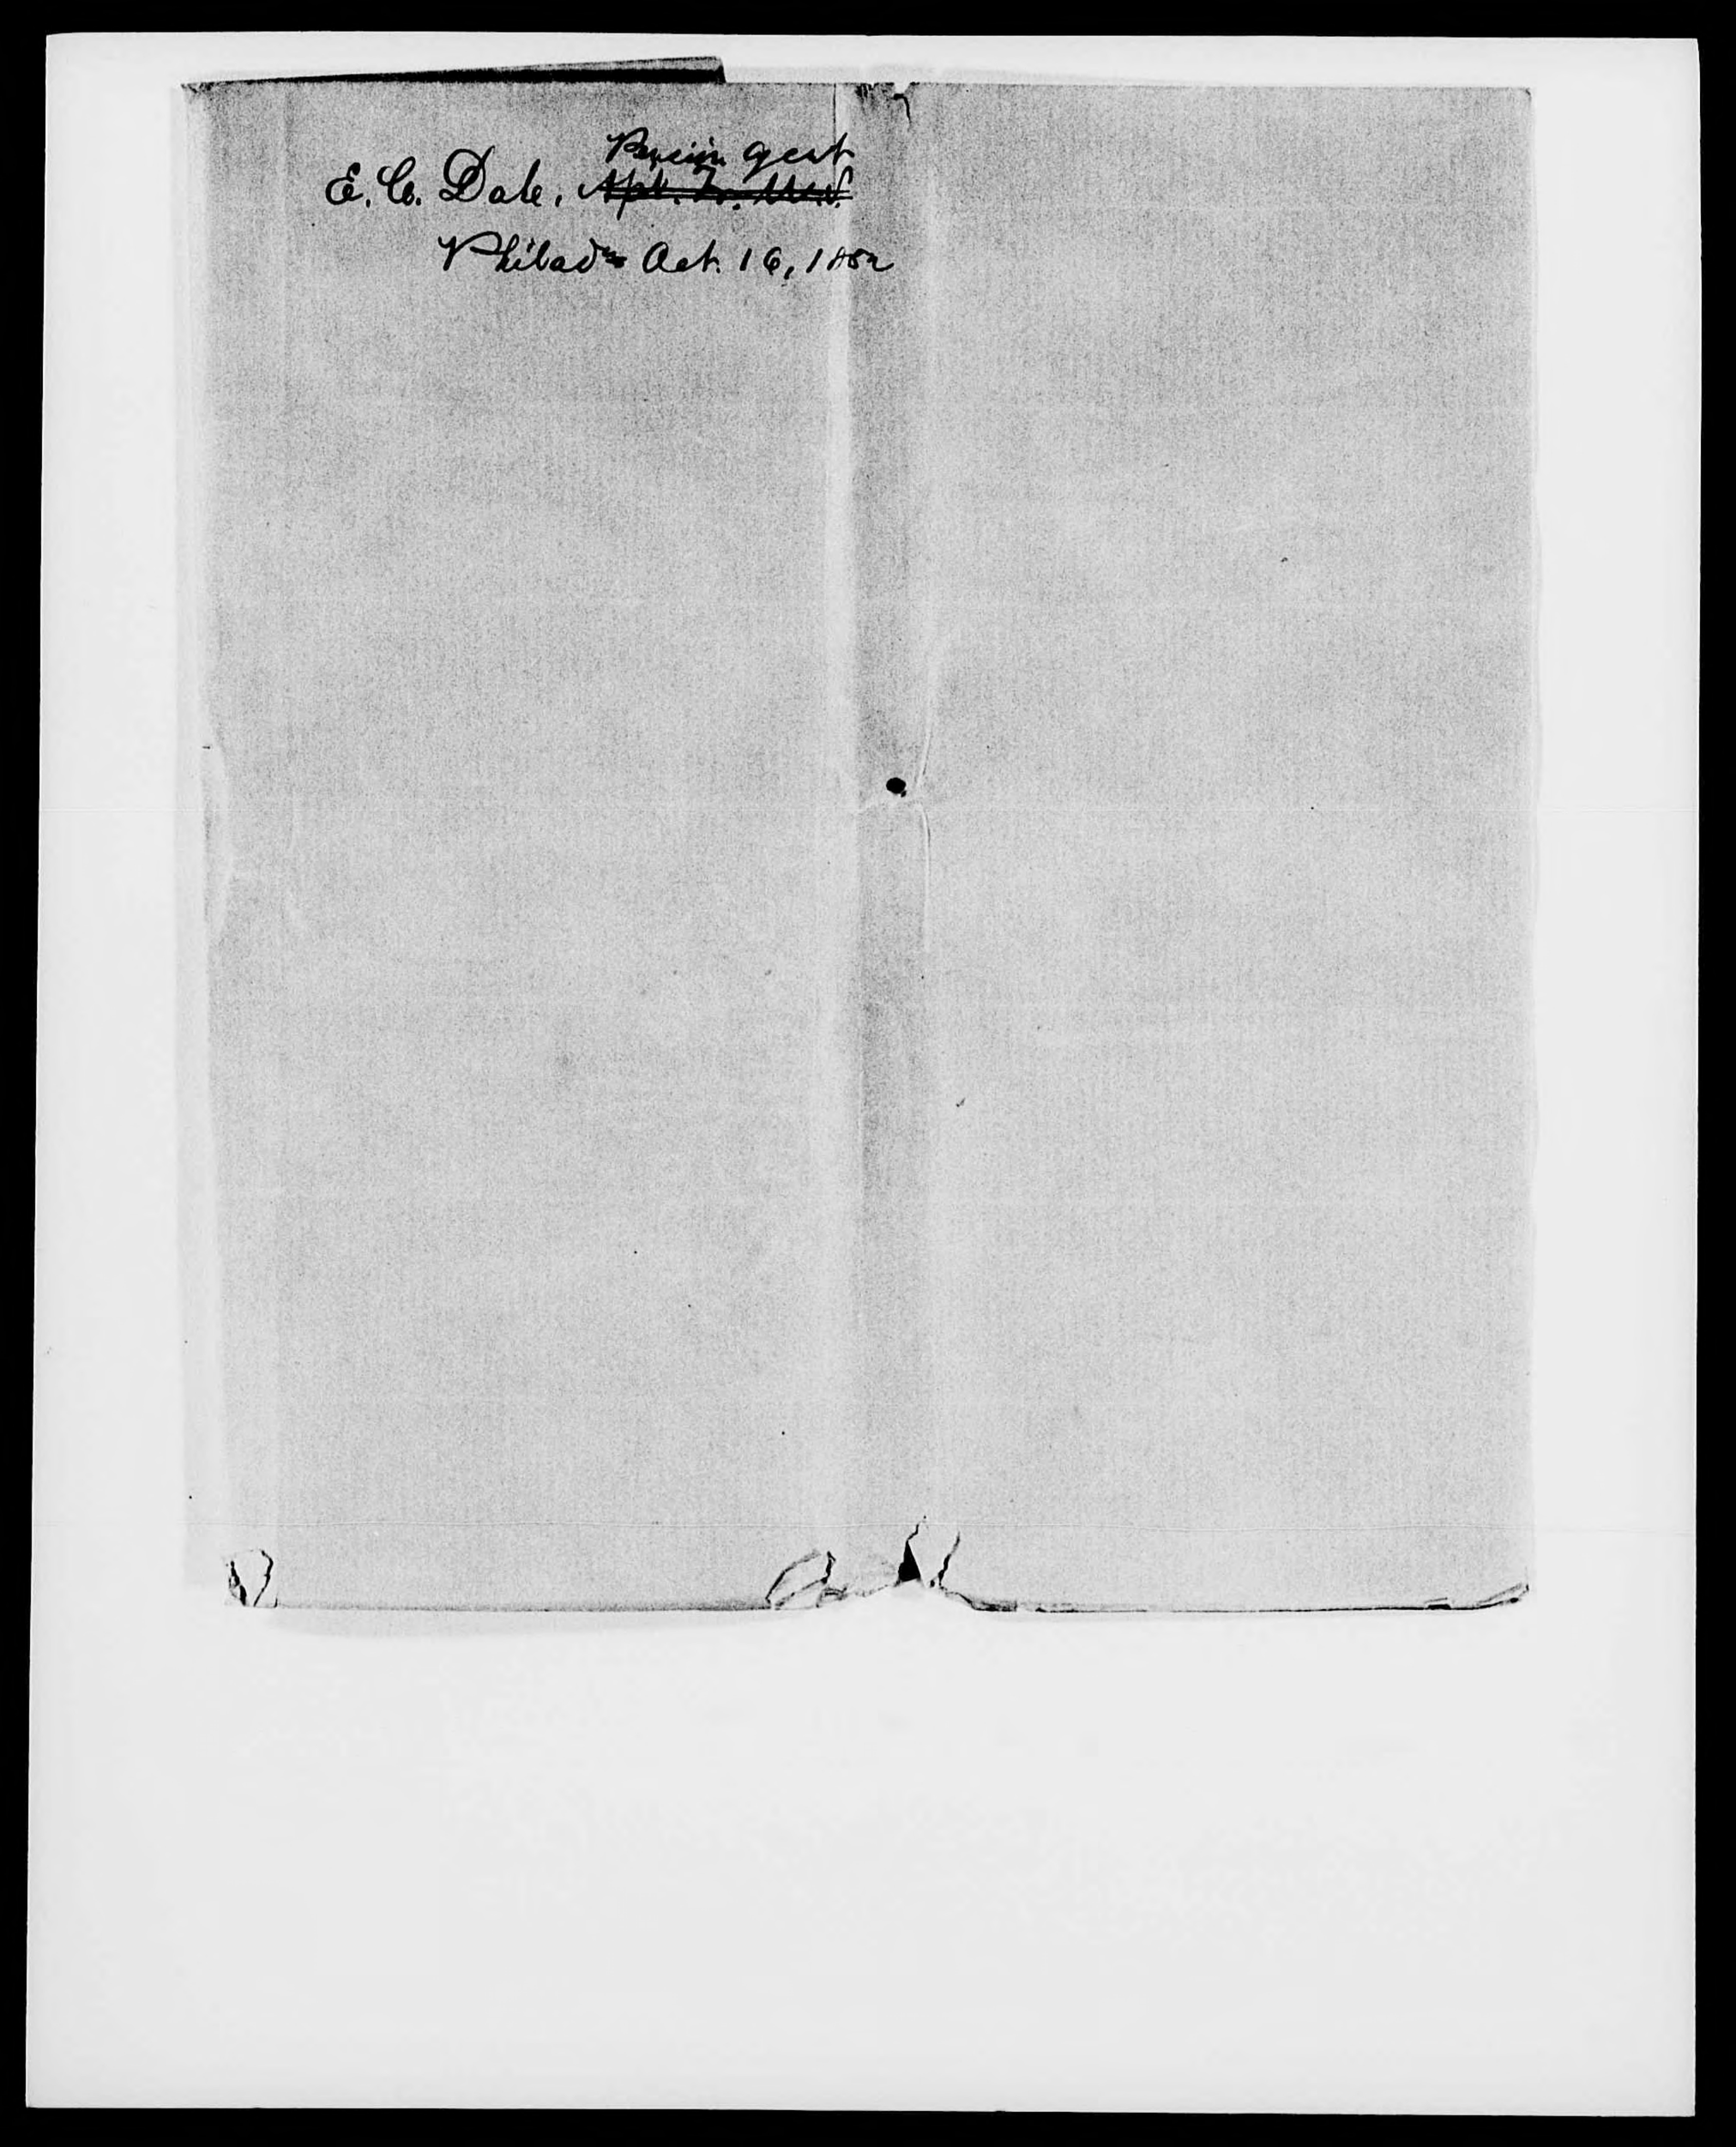E. C. Dale  Pension agent

[Below "Pension agent", the following was struck out]
Apt. [illegible] . [possibly "Min."]

Philad[elphia]  [I explanded the contraction.] Oct. 16, 1852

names: E C Dale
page: 42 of 45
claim: widow's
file: W. 2734, Stephen Hetfield, New Jersey